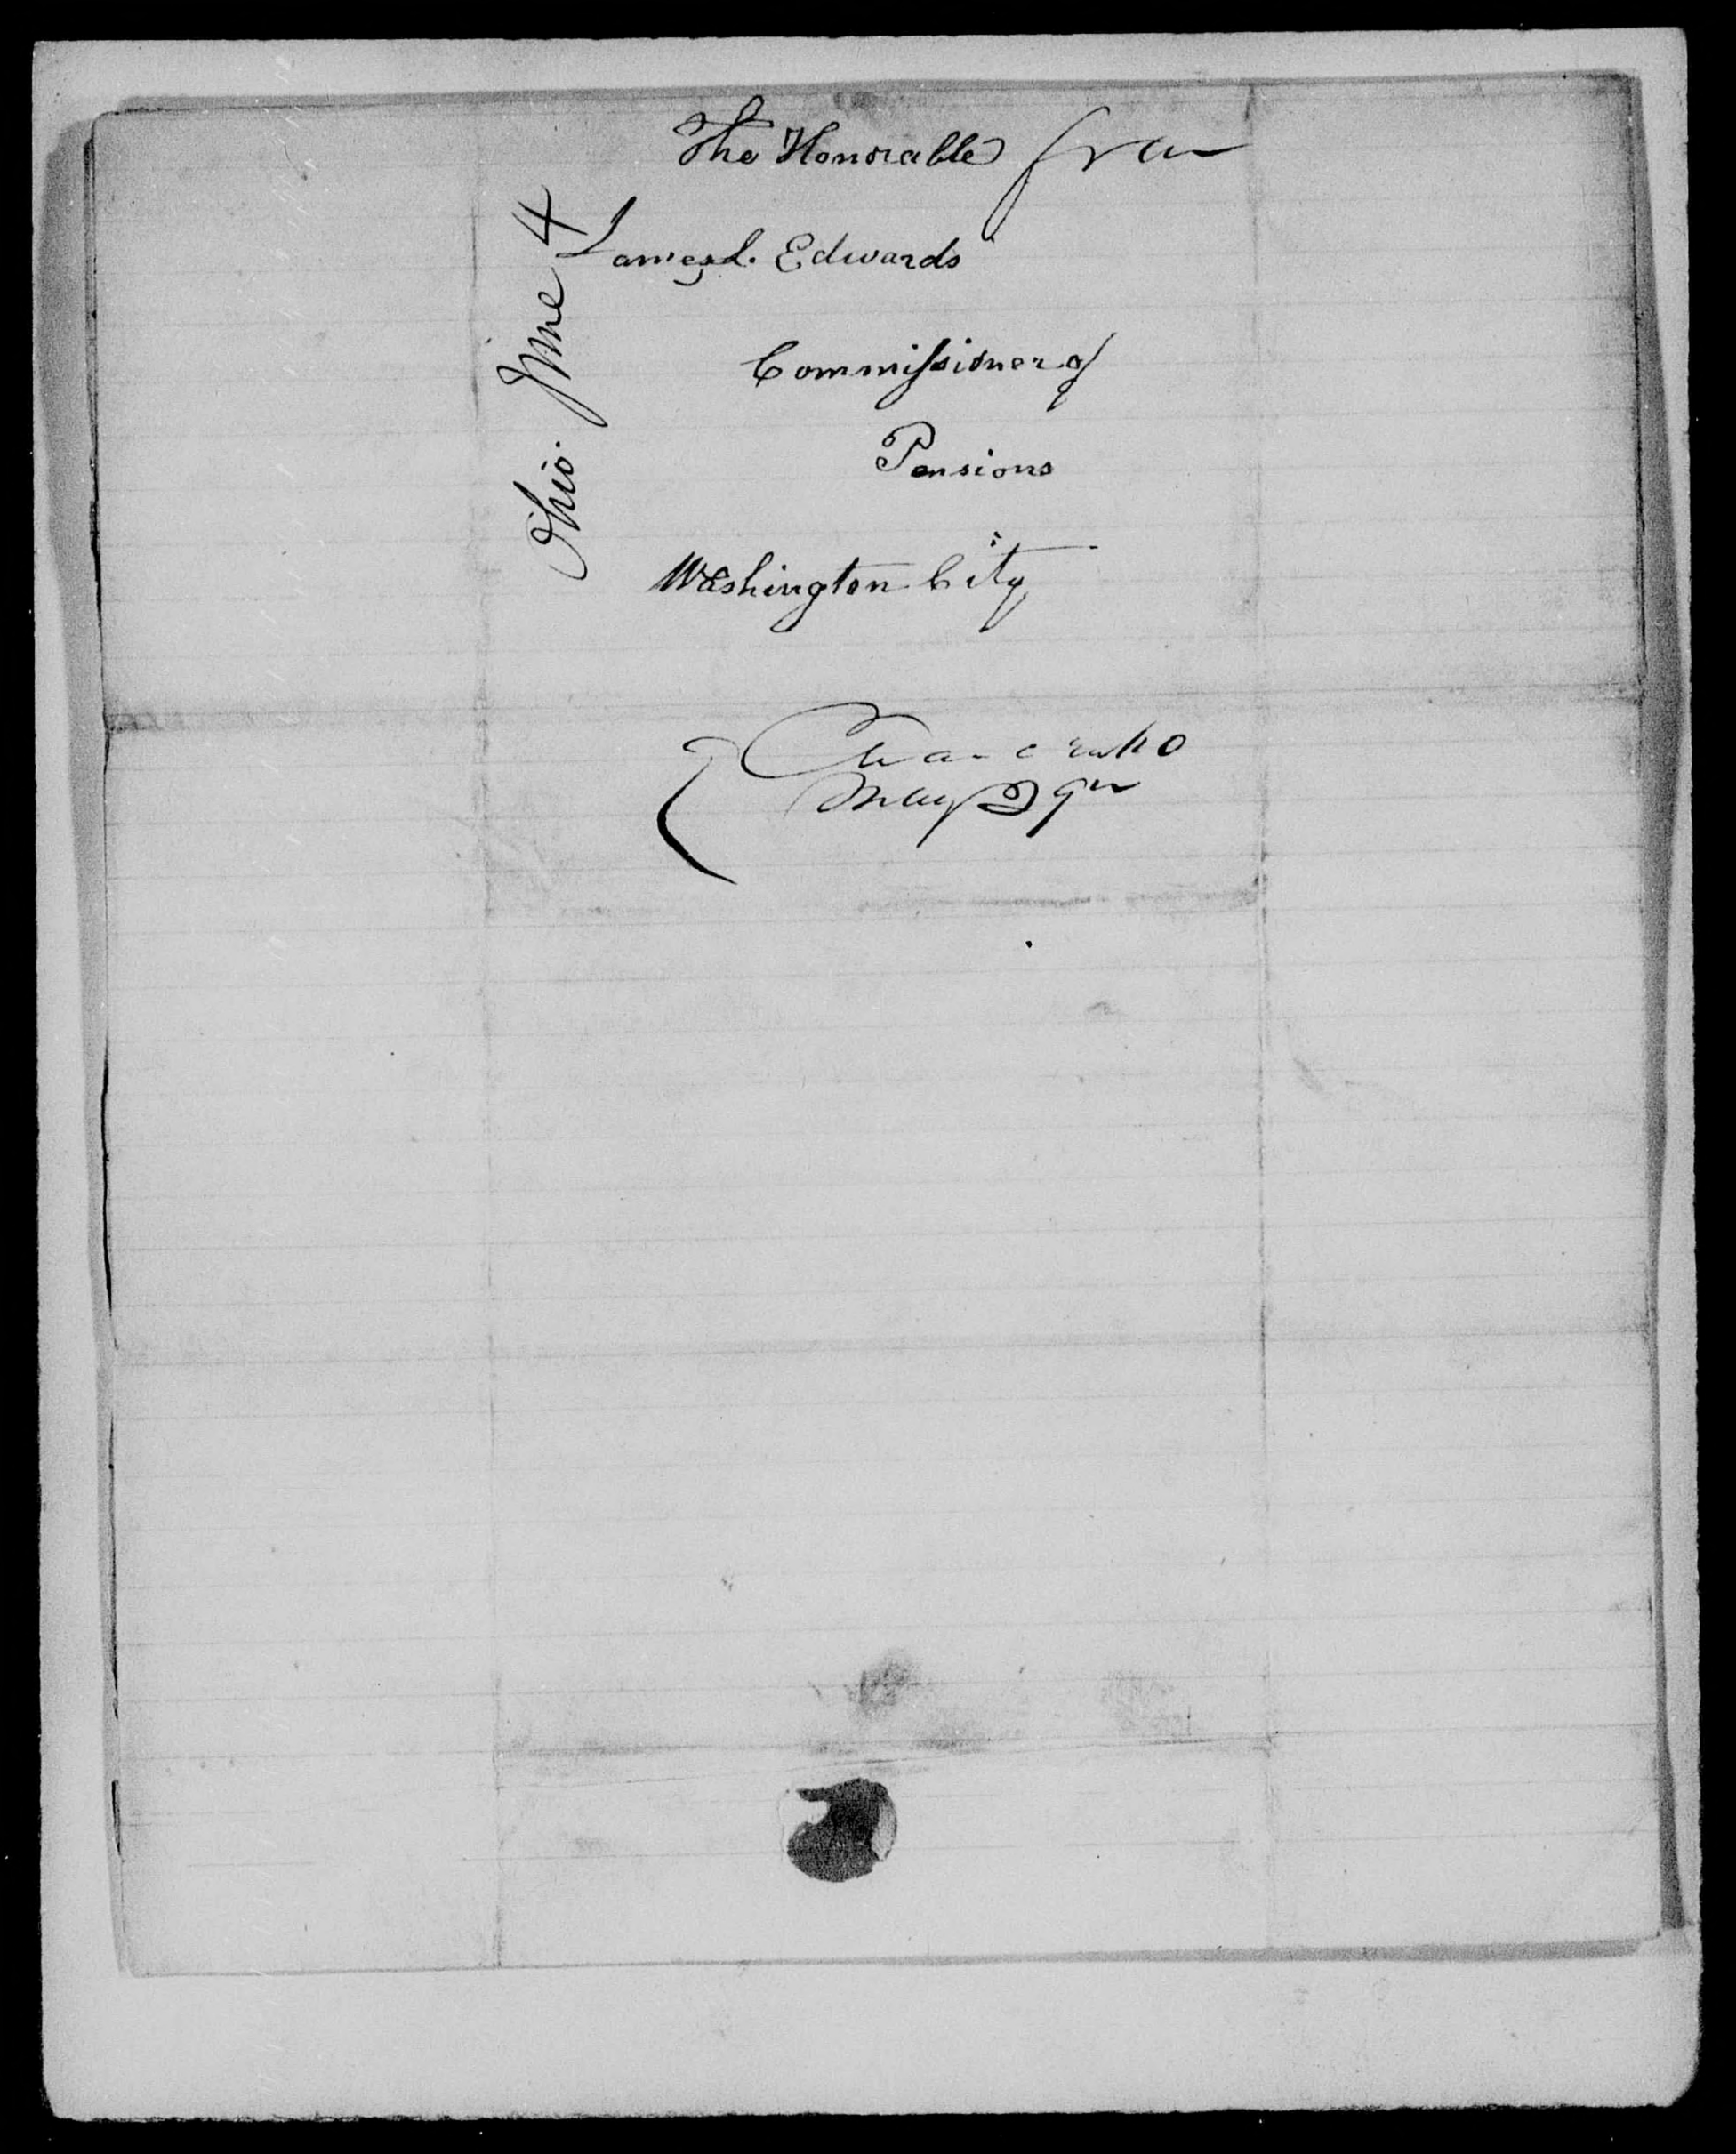[sideways in left margin] Ohio June 4

The Honorable [illegible] James Edwards

Commissioner of Pensions

Washington City

[illegible]

May 29th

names: James L Edwards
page: 14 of 33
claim: survivor's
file: S. 9587, William Holson, Va.